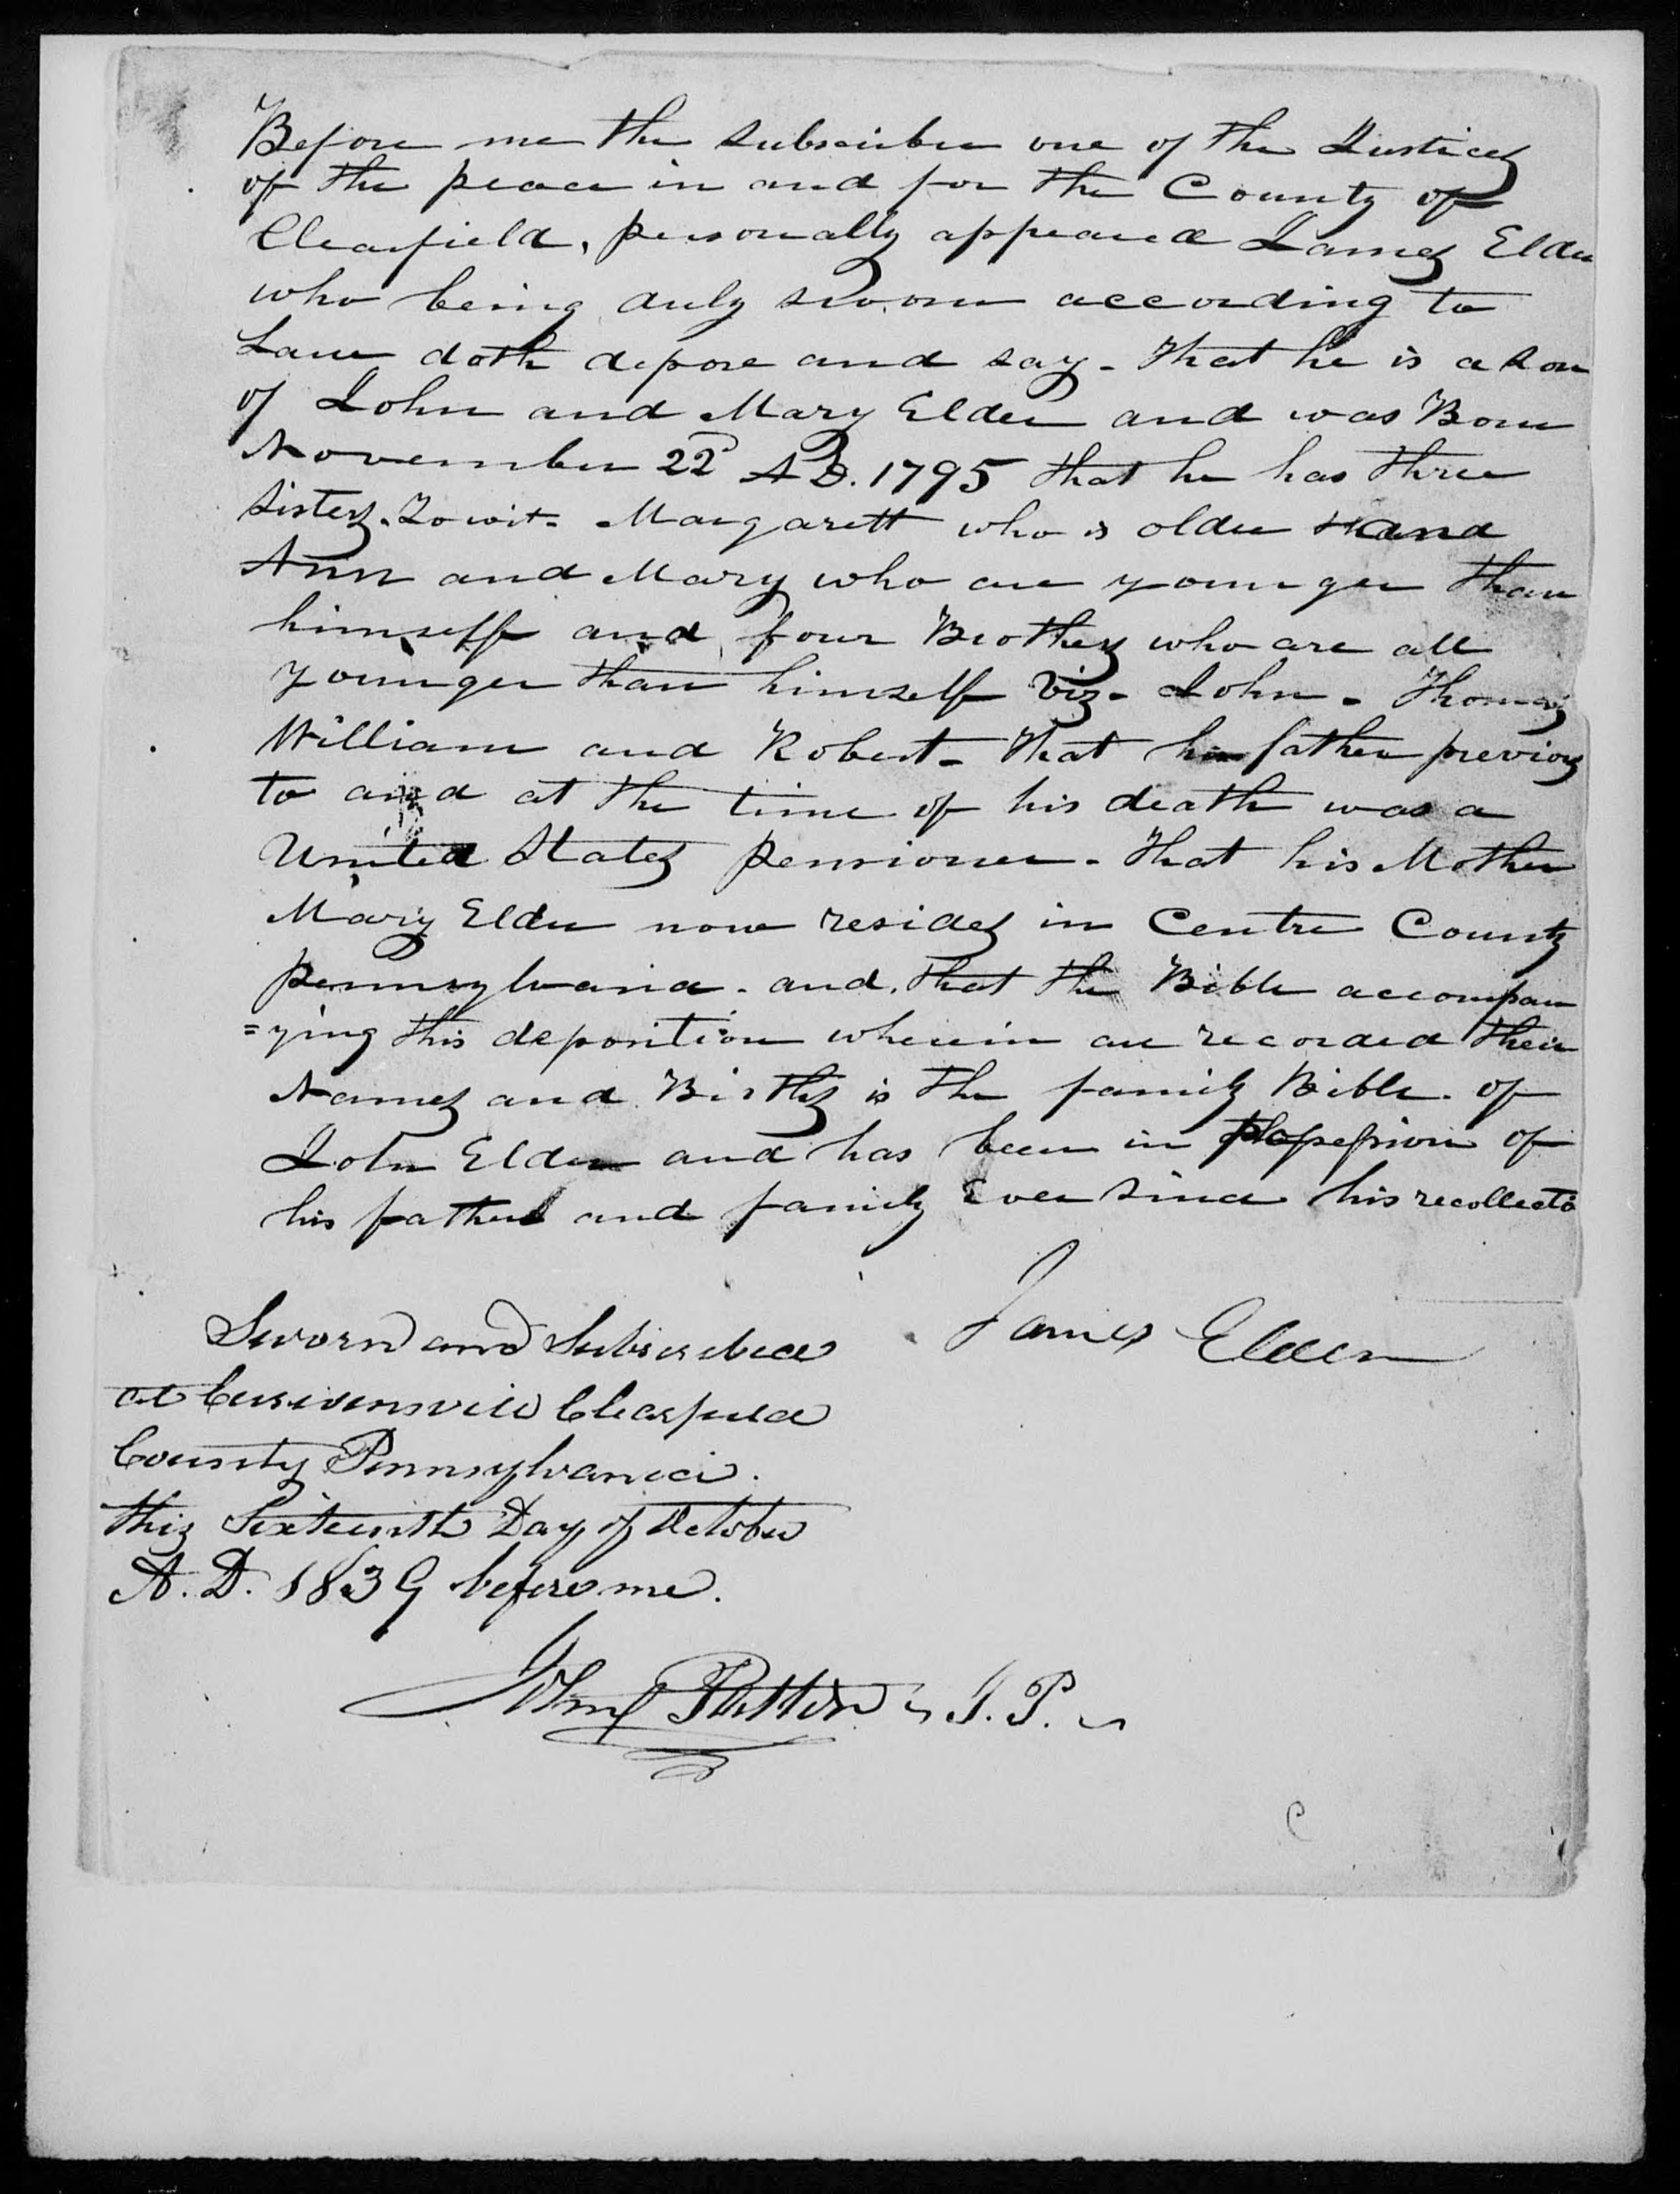Before me the subscriber [illegible] of the Justices of the peace in and for the County of Clearfield, personally appeared James Elder who being duly [illegible] according to Law doth depose and say that he is a son of John and Mary Elder and was born November 22 A.D. 1795 that he has three sisters, [illegible] Margarett who is older and Ann and Mary who are younger than himself and four brothers who are all younger than himself [illegible] John, Thomas, William and Robert, that his father previous to and at the time of his death was a United States pensioner, that his mother Mary Elder now resides in Centre County Pennsylvania and that the Bible accompanying this deposition wherein are recorded their names and births is the family Bible of John Elder and has been in [illegible] of his father and family ever since his recoll[illegible]

James Elder

Sworn and [illegible] at [illegible] Clearfield County Pennsylvania this Sixteenth Day of October A.D. 1839 before me.

[illegible] - J. P. -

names: Thomas, Robert, Ann, John Elder, William, James Elder, Mary, Mary Elder, John Elder, John Patton, James Elder, Margarett, John, Mary Elder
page: 78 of 80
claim: widow's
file: W. 24117, John Elder, Penn.